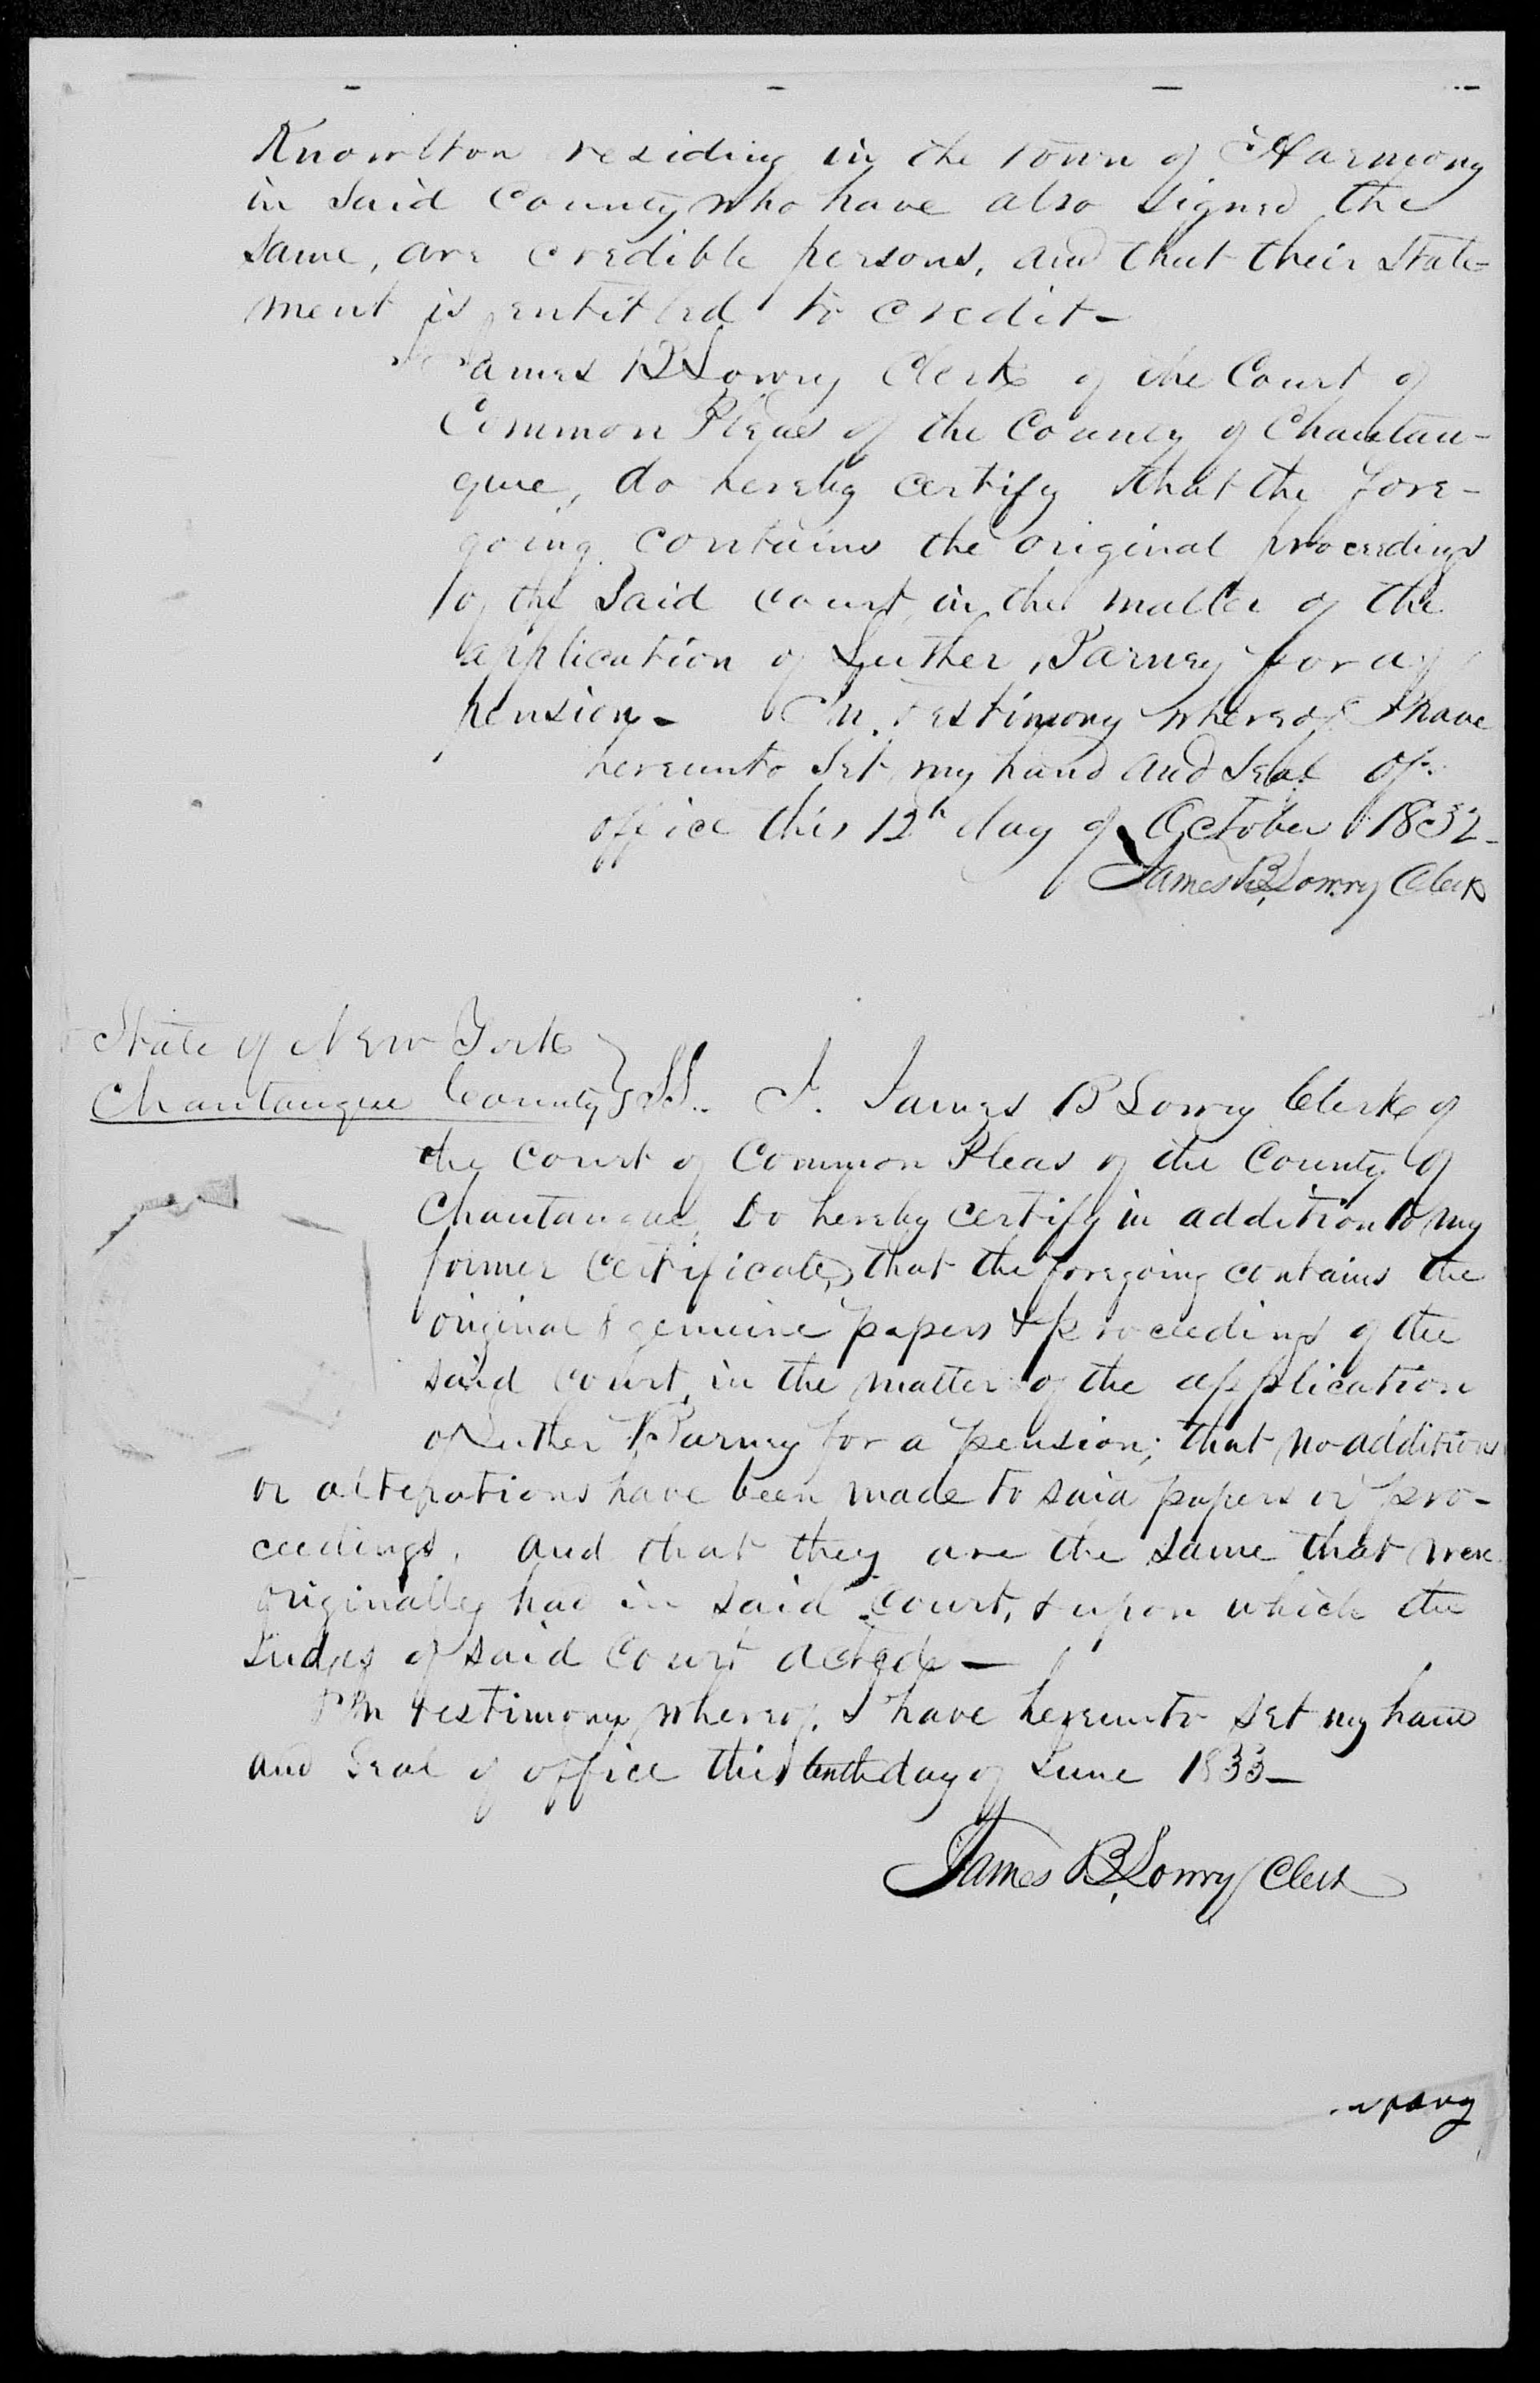Knowlton residing in the town of Harmony
in said County who have also signed the same, are credible persons, and that their Statement is entitled to credit -
James Lowry Clerk of the Court of
Common Pleas of the County of Chautauqua, do hereby certify that the foregoing
contains the original proceeding
of the said Court in the matter of the
application of Luther Barney for a
pension. In testimony whereof I have
hereunto set my hand and seal of
office this 12th day of October 1832
James Lowry Clerk
State of New York
Chautauqua County ⎬ SS I James B. Lowry Clerk of
the Court of Common Pleas of the County of
Chautauqua Do hereby certify in addition to my
former certificate, that the foregoing contains the
original & genuine papers & proceeding of the
said Court, in the matter of the application
Luther Barney for a pension; that no additions
or alterations have been made to said papers or proceedings, and that they are the same that were
originally had in said Court, & upon which the
Judges of said Court acted
In testimony whereof I have hereunto set my hand
and seal of office this tenth day of June 1833-
of
James B. Lowry Clerk
in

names: James B Lowry, James B Lowry, Knowlton, Luther Barney, Luther Barney, James B Lowry, James B Lowry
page: 10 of 61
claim: widow's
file: W. 4.124, Luther Barney, Conn. Privateer.